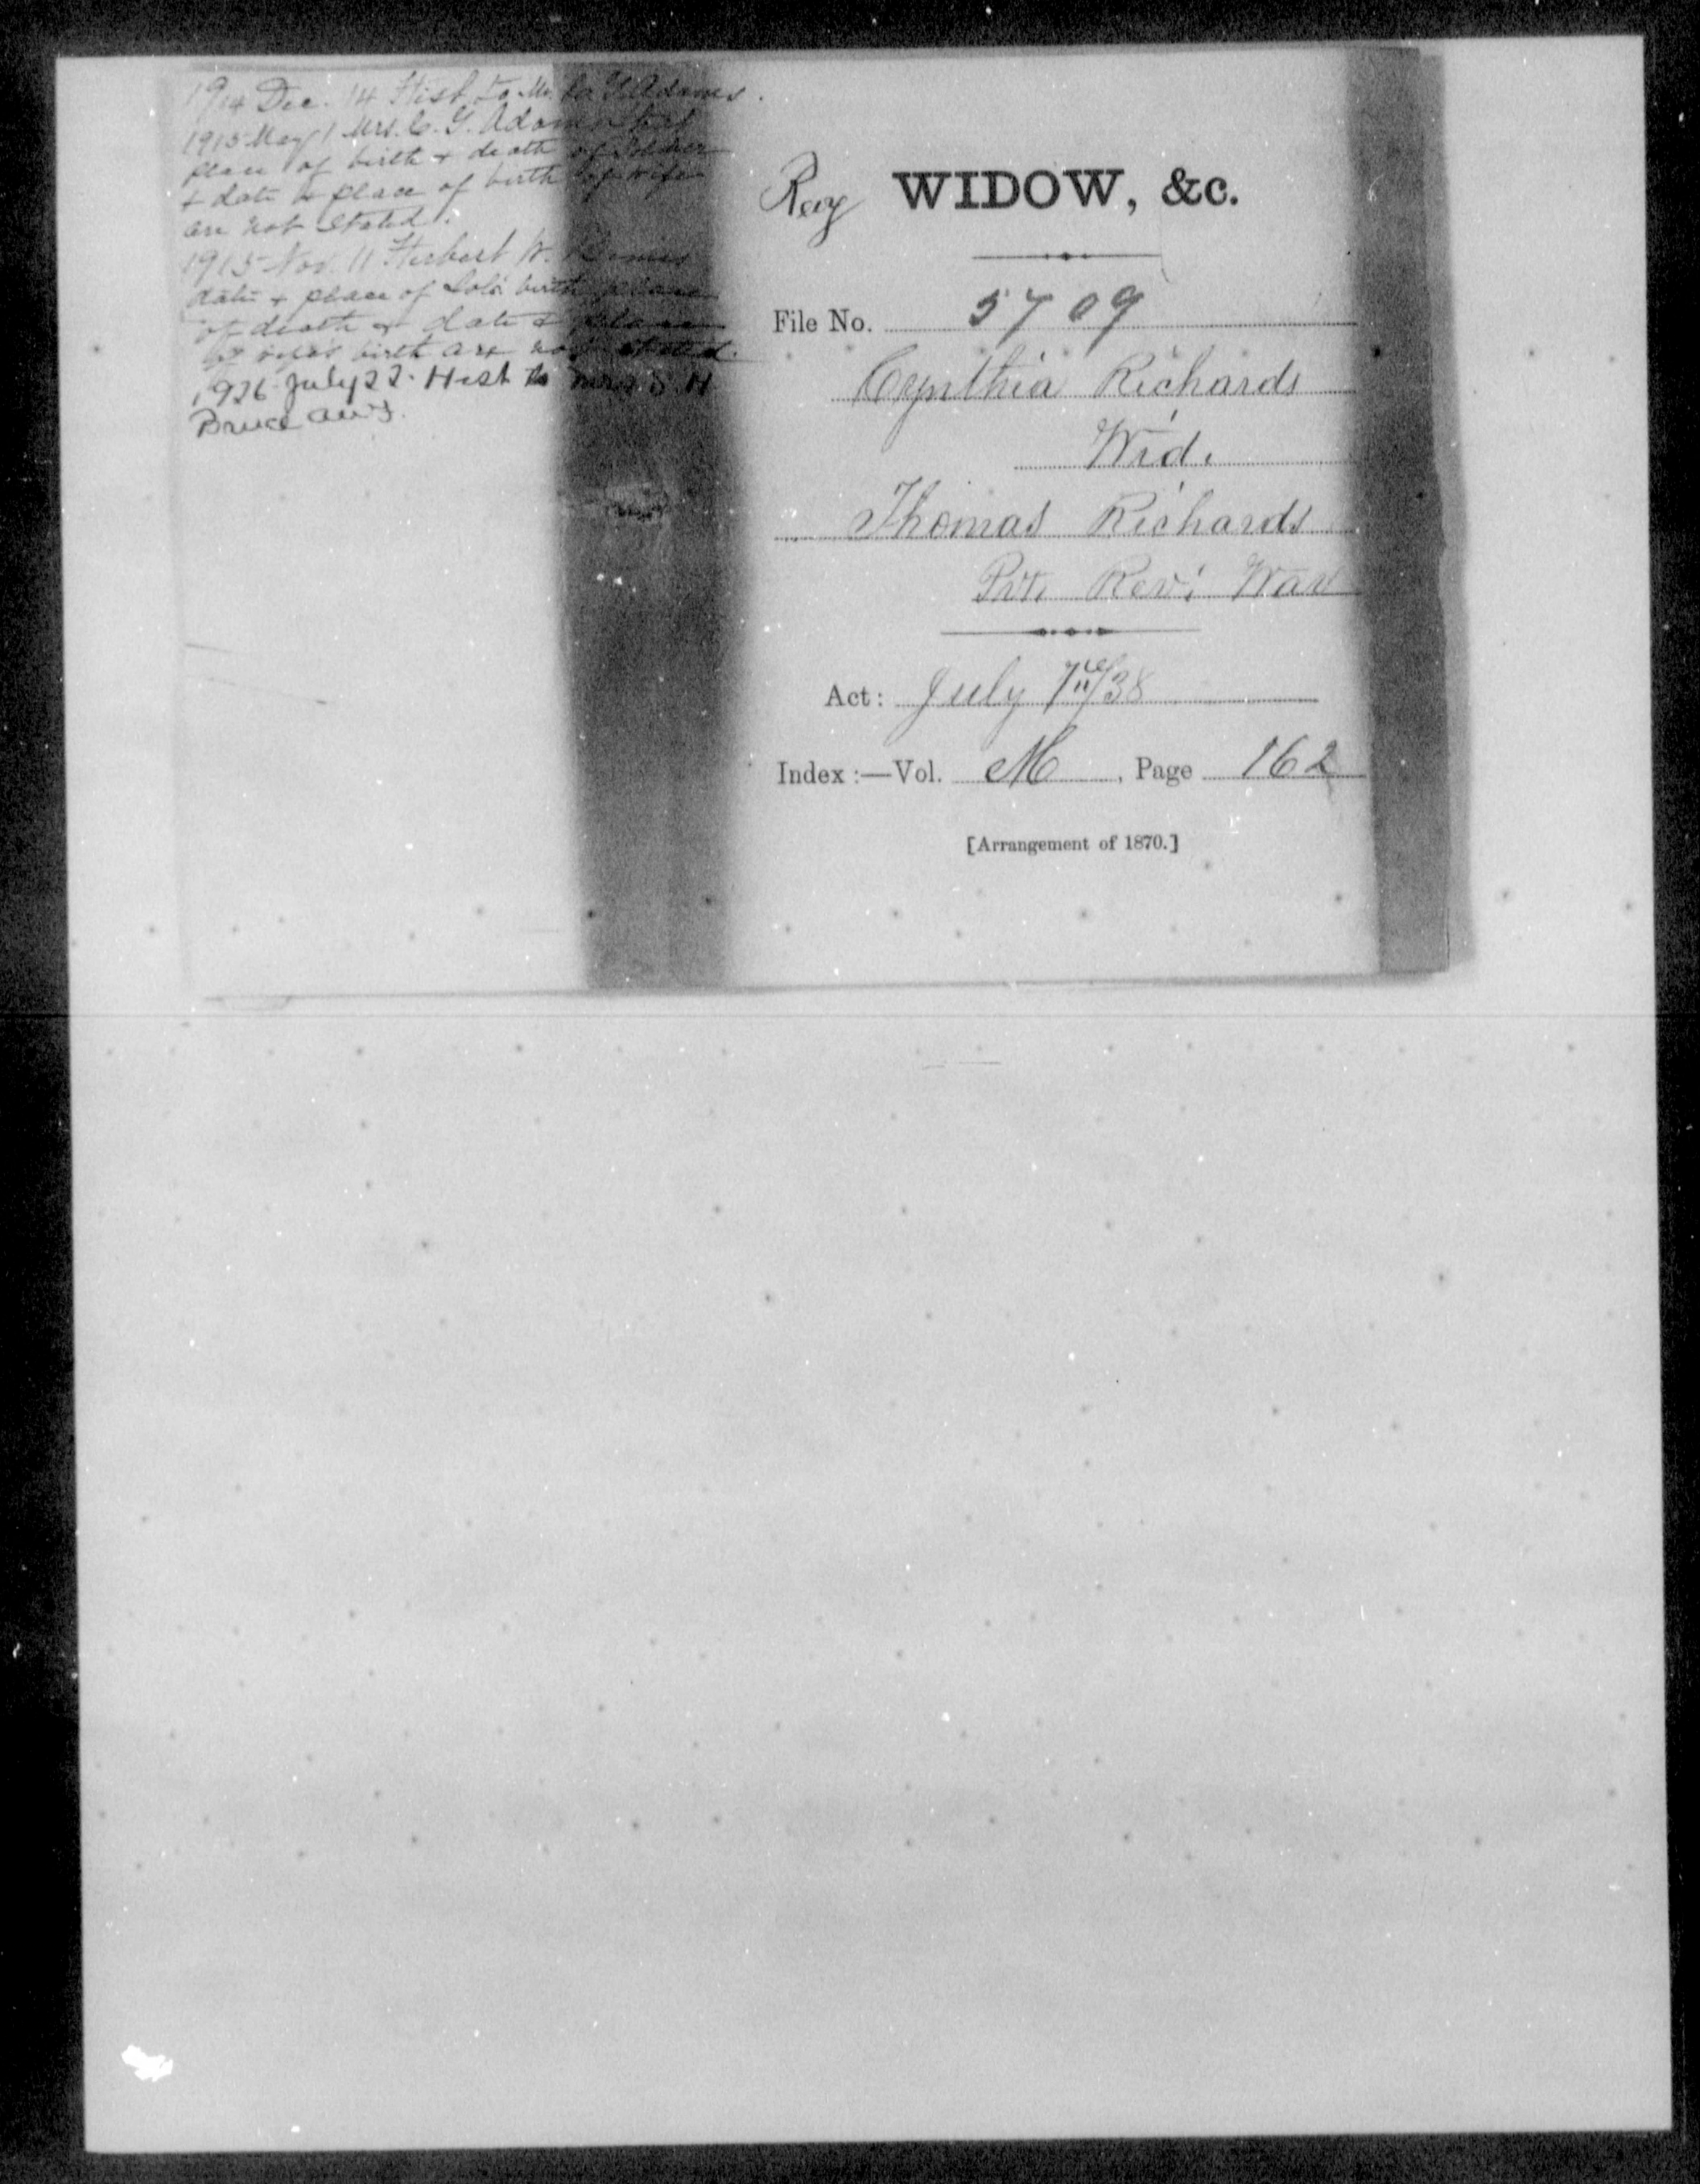1914 Dec. 14 Hist [HISTORY] to Mrs. C T Adams
1915 May 1 Mrs. C.T. Adams [illegible]
place of birth & death of soldier & date & place of birth of wife are not established.
1915 Nov. 11 Herbert W. Dennis date & place of Solr [SOLDIER'S] birth & place of death & date & place of wife's birth are not stated.
1926 - July 22. Hist to Mrs S.H. Bruce aws.

Revy [REVOLUTIONARY] WIDOW, &c. [ETC.]
File No. 5709
Cynthia Richards Wid. [WIDOW] Thomas Richards
Pri [PRIVATE] Rev [REVOLUTIONARY]: War
Act: July 7th [18]/38
Index: -- Vol. A, Page 162
{Arrangement of 1870.]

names: S H Bruce; Thomas Richards; Cynthia Richards; Hubert W [ILLEGIBLE]; C G Adams; C G Adams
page: 26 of 109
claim: widow's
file: W. 5709, for Thomas Richards, New Hampshire